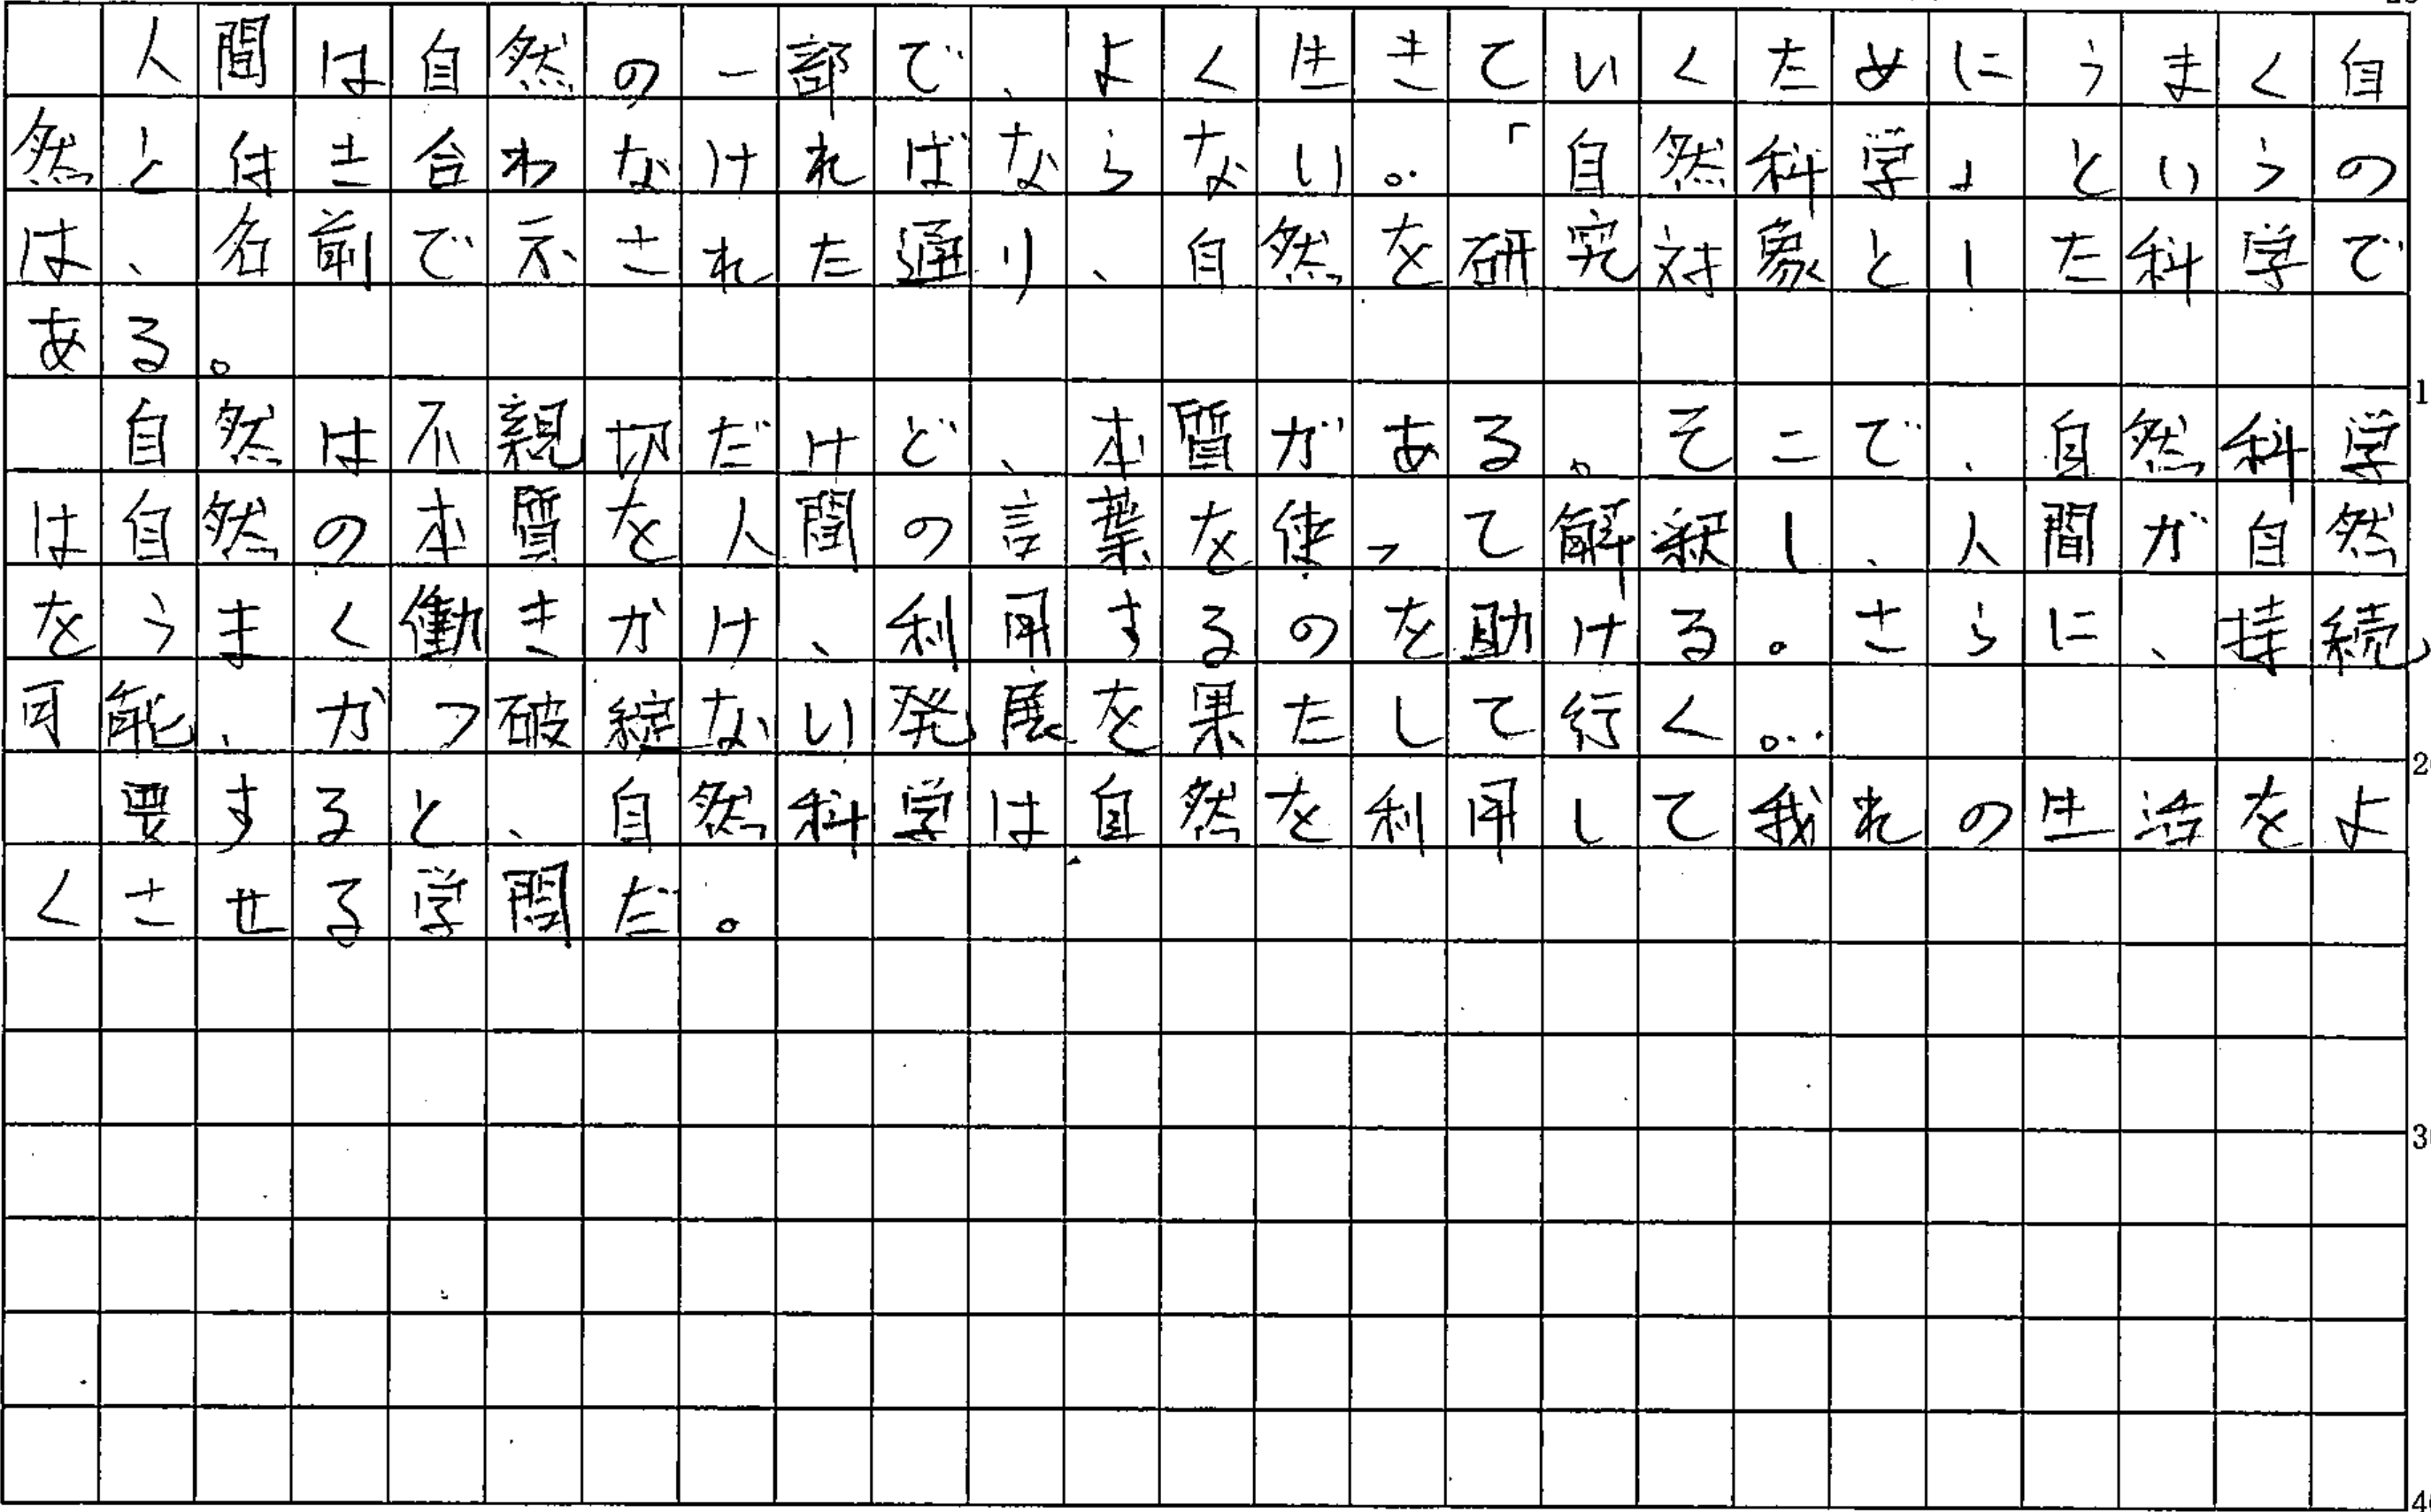　人間は自然の一部で、よく生きていくためにうまく自然と付き合わなければならない。「自然科学」というのは、名前で示された通り、自然を研究対象とした科学である。
　自然は不親切だけど、本質がある。そこで、自然科学は自然の本質を人間の言葉を使って解釈し、人間が自然をうまく働きかけ、利用するのを助ける。さらに、持続可能、かつ破綻ない発展を果たして行く。
　要すると、自然科学は自然を利用して我れの生活をよくさせる学問だ。
